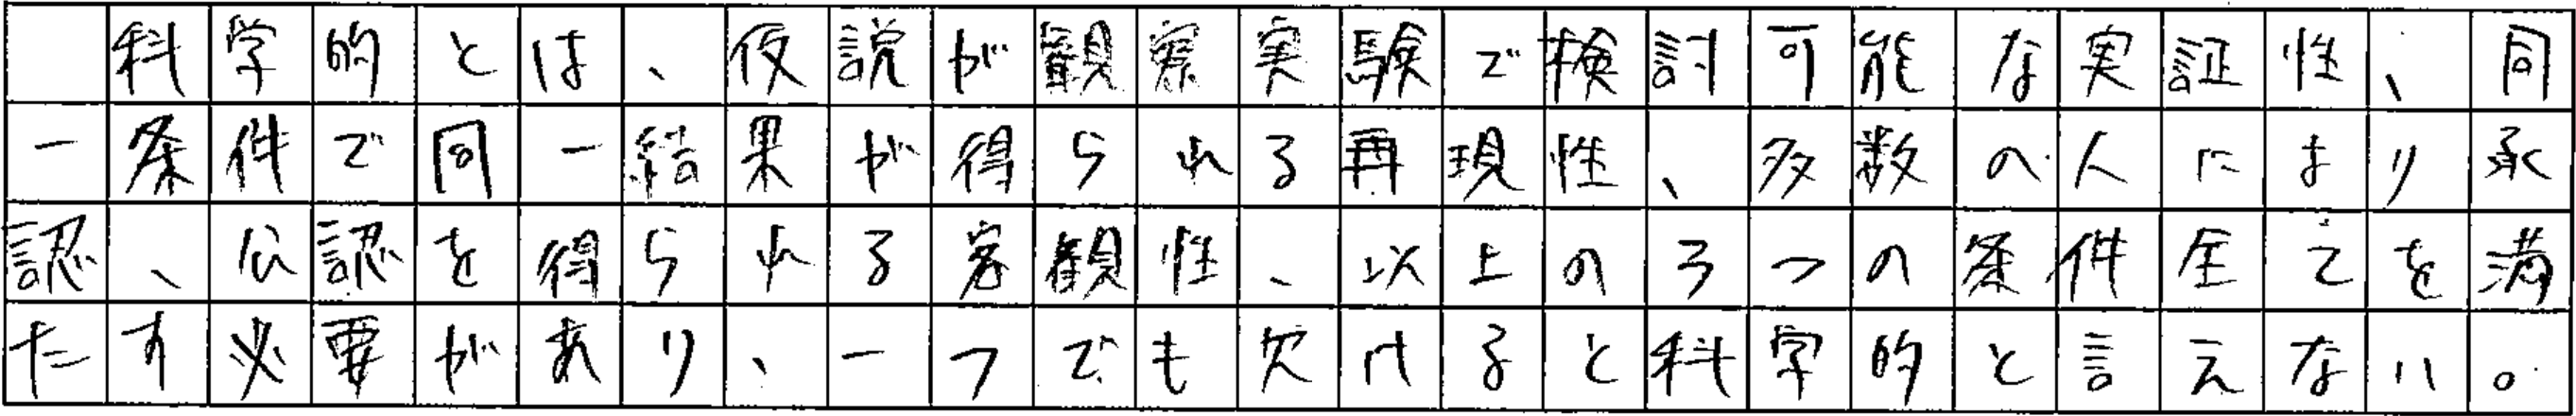　科学的とは、仮設が観察実験で検討可能な実証性、同一条件で同一結果が得られる再現性、多数の人により承認、公認を得られる客観性、以上の３つの条件全てを満たす必要があり、一つでも欠けると科学的と言えない。
